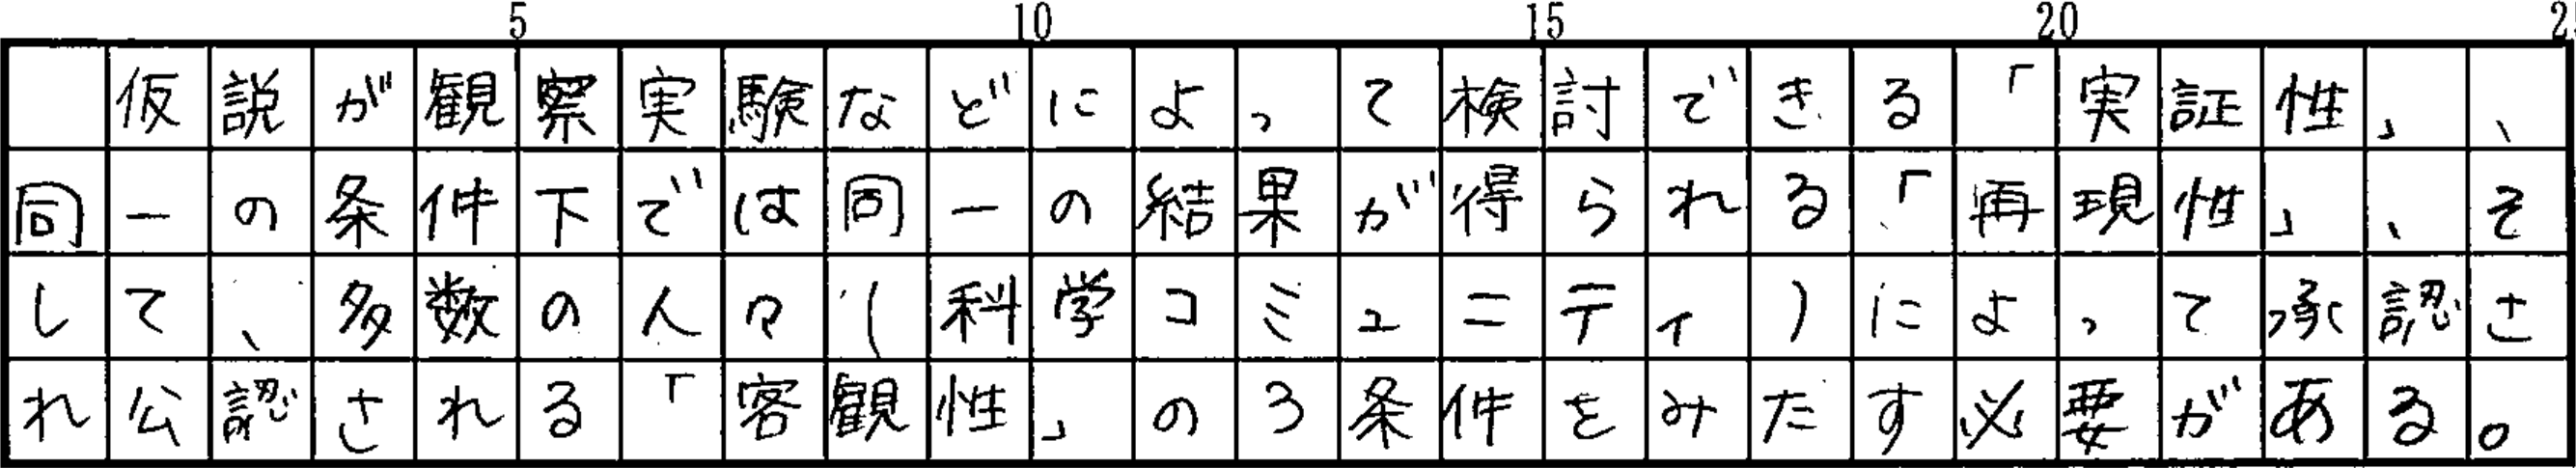　仮説が観察実験などによって検討できる「実証性」、同一の条件下では同一の結果が得られる「再現性」、そして、多数の人々（科学コミュニティ）によって承認され公認される「客観性」の３条件をみたす必要がある。
